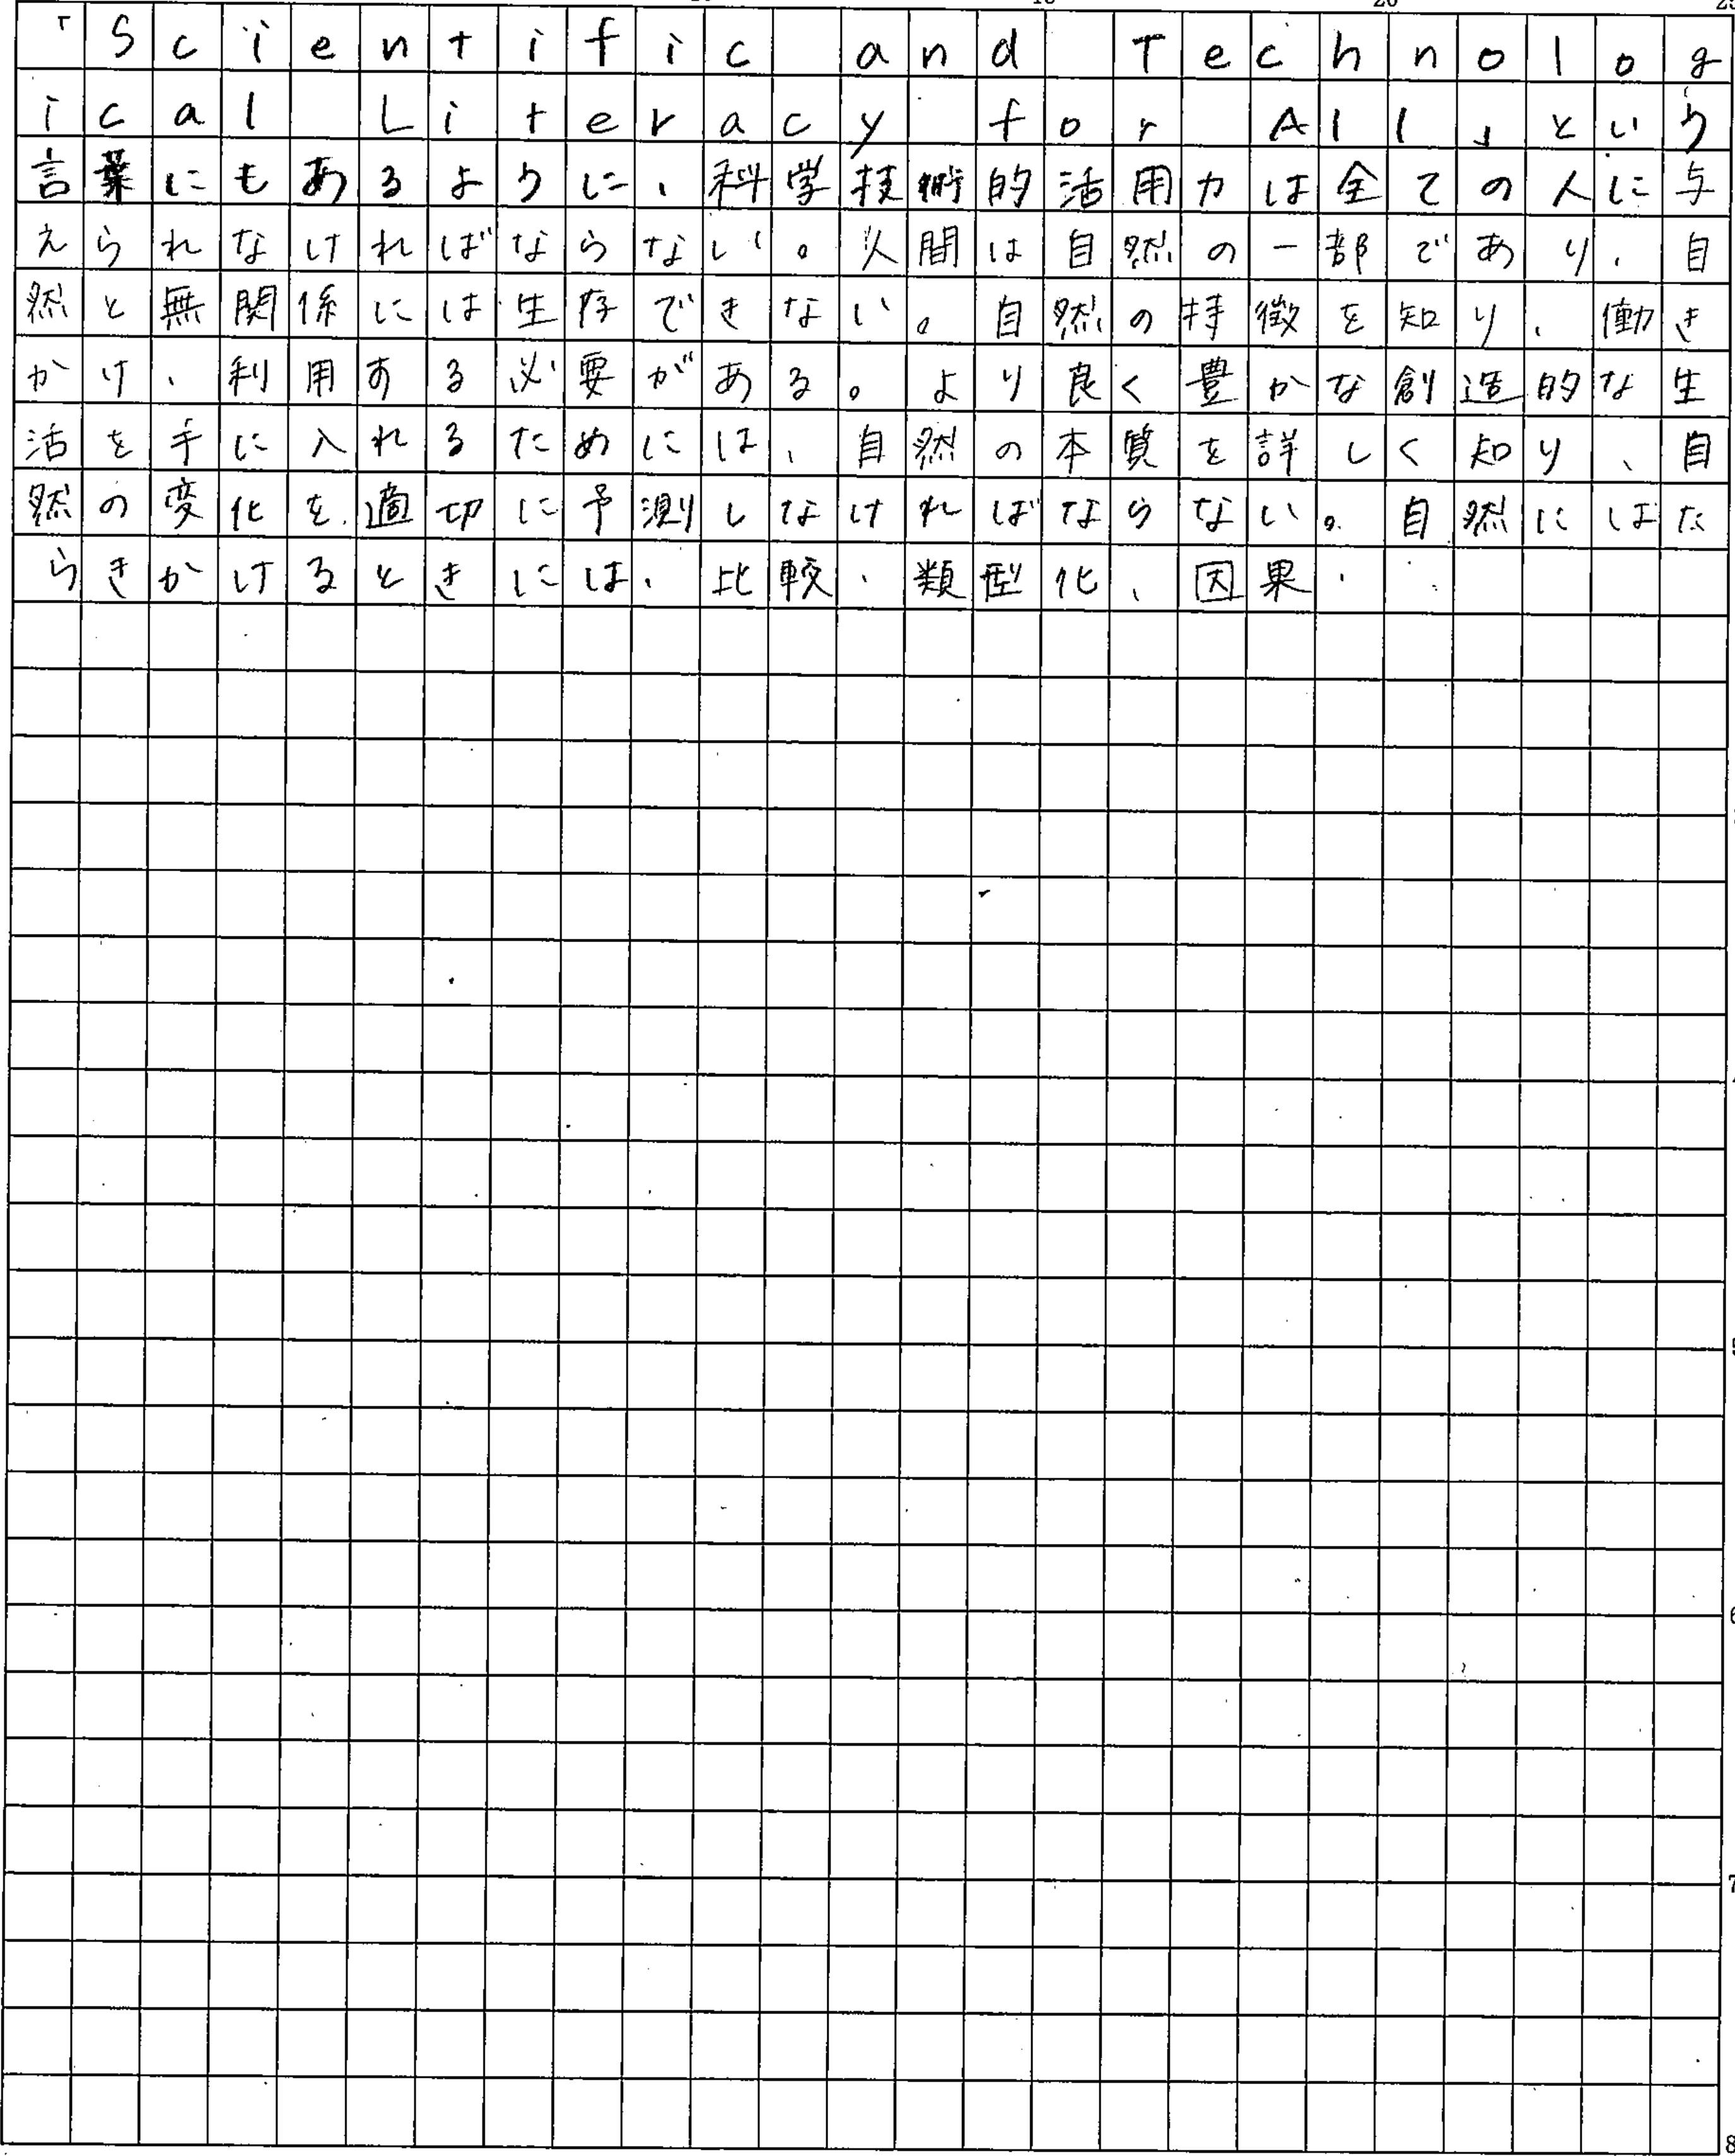「Ｓｃｉｅｎｔｉｆｉｃ　ａｎｄ　Ｔｅｃｈｎｏｌｏｇｉｃａｌ　Ｌｉｔｅｒａｃｙ　ｆｏｒ　Ａｌｌ」という言葉にもあるように、科学技術的活用力は全ての人に与えられなければならない。人間は自然の一部であり、自然と無関係には生存できない。自然の特徴を知り、働きかけ、利用する必要がある。より良く豊かな創造的な生活を手に入れるためには、自然の本質を詳しく知り、自然の変化を適切に予測しなければならない。自然にはたらきかけるときには、比較・類型化・因果・
